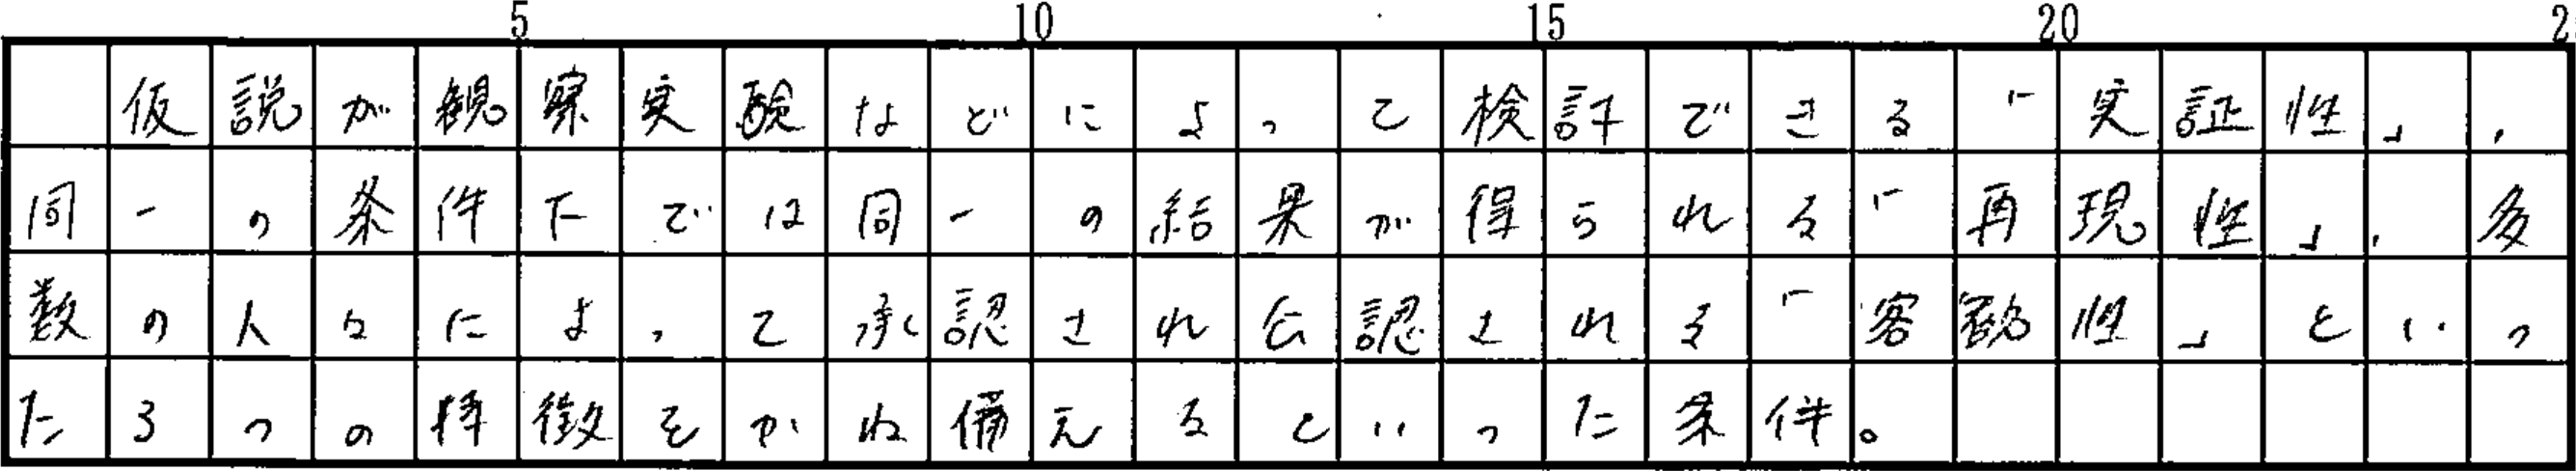　仮説が観察実験などによって検討できる「実証性」、同一の条件下では同一の結果が得られる「再現性」、多数の人々によって承認され公認される「客観性」といった３つの特徴をかね備えるといった条件。
